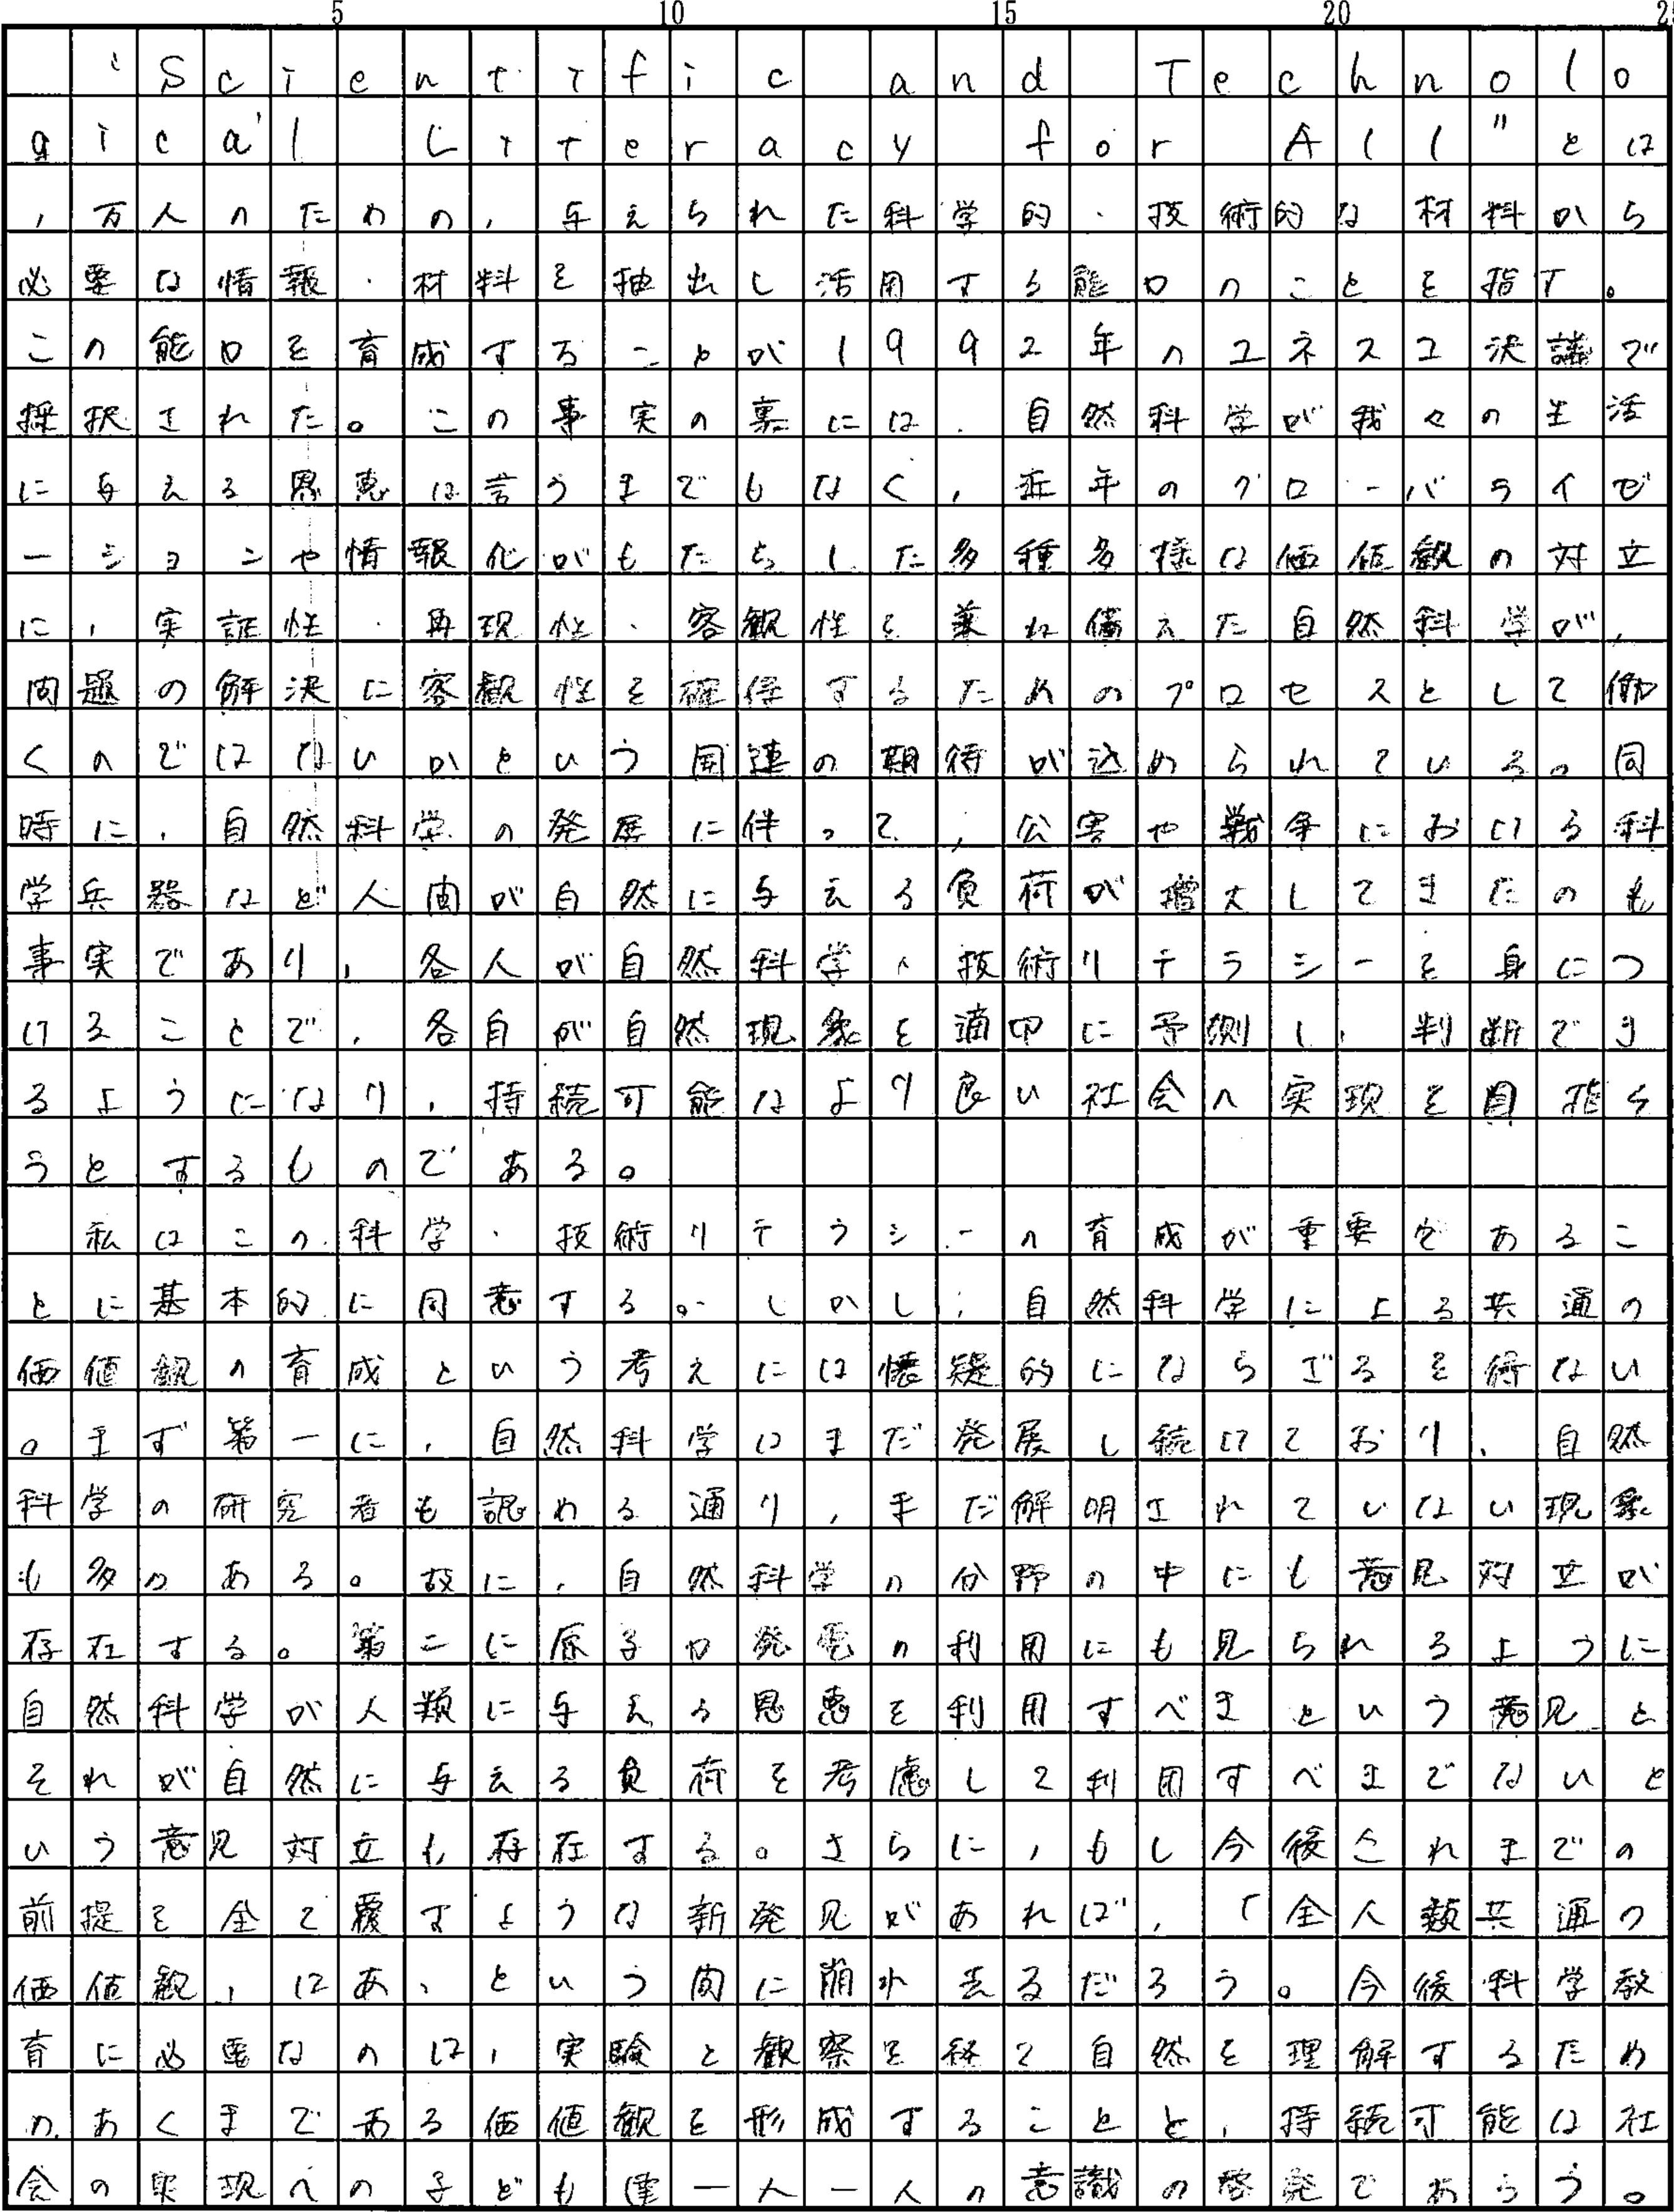　〝Ｓｃｉｅｎｔｉｆｉｃ　ａｎｄ　Ｔｅｃｈｎｏｌｏｇｉｃａｌ　Ｌｉｔｅｒａｃｙ　ｆｏｒ　Ａｌｌ″とは、万人のための、与えられた科学的・技術的な材料から必要な情報・材料を抽出し活用する能力のことを指す。この能力を育成することが１９９２年のユネスコ決議で採択された。この事実の裏には、自然科学が我々の生活に与える恩恵は言うまでもなく、近年のグローバライゼーションや情報化がもたらした多種多様な価値観の対立に、実証性・再現性・客観性を兼ね備えた自然科学が、問題の解決に客観性を確保するためのプロセスとして働くのではないかという国連の期待が込められている。同時に、自然科学の発展に伴って、公害や戦争にお▁る科学兵器など人間が自然に与える負荷が増大してきたのも事実であり、各人が自然科学・技術リテラシーを身につけることで、各自が自然現象を適切に予測し、判断できるようになり、持続可能なより良い社会へ実現を目指そうとするものである。
　私はこの科学・技術リテラシーの育成が重要であることに基本的に同意する。しかし、自然科学による共通の価値観の育成という考えには懐疑的にならざるを得ない。まず第一に、自然科学はまだ発展し続けており、自然科学の研究者も認める通り、まだ解明されていない現象も多々ある。故に、自然科学の分野の中にも意見対立が存在する。第二に原子力発電の利用にも見られるように自然科学が人類に与える恩恵を利用すべきという意見とそれが自然に与える負荷を考慮して利用すべきでないという意見対立も存在する。さらに、もし今後これまでの前提を全て覆すような新発見があれば、「全人類共通の価値観」はあっという間に崩れ去るだろう。今後科学教育に必要なのは、実験と観察を経て自然を理解するためのあくまである価値観を形成することと、持続可能な社会の実現への子ども達一人一人の意識の啓発であろう。
